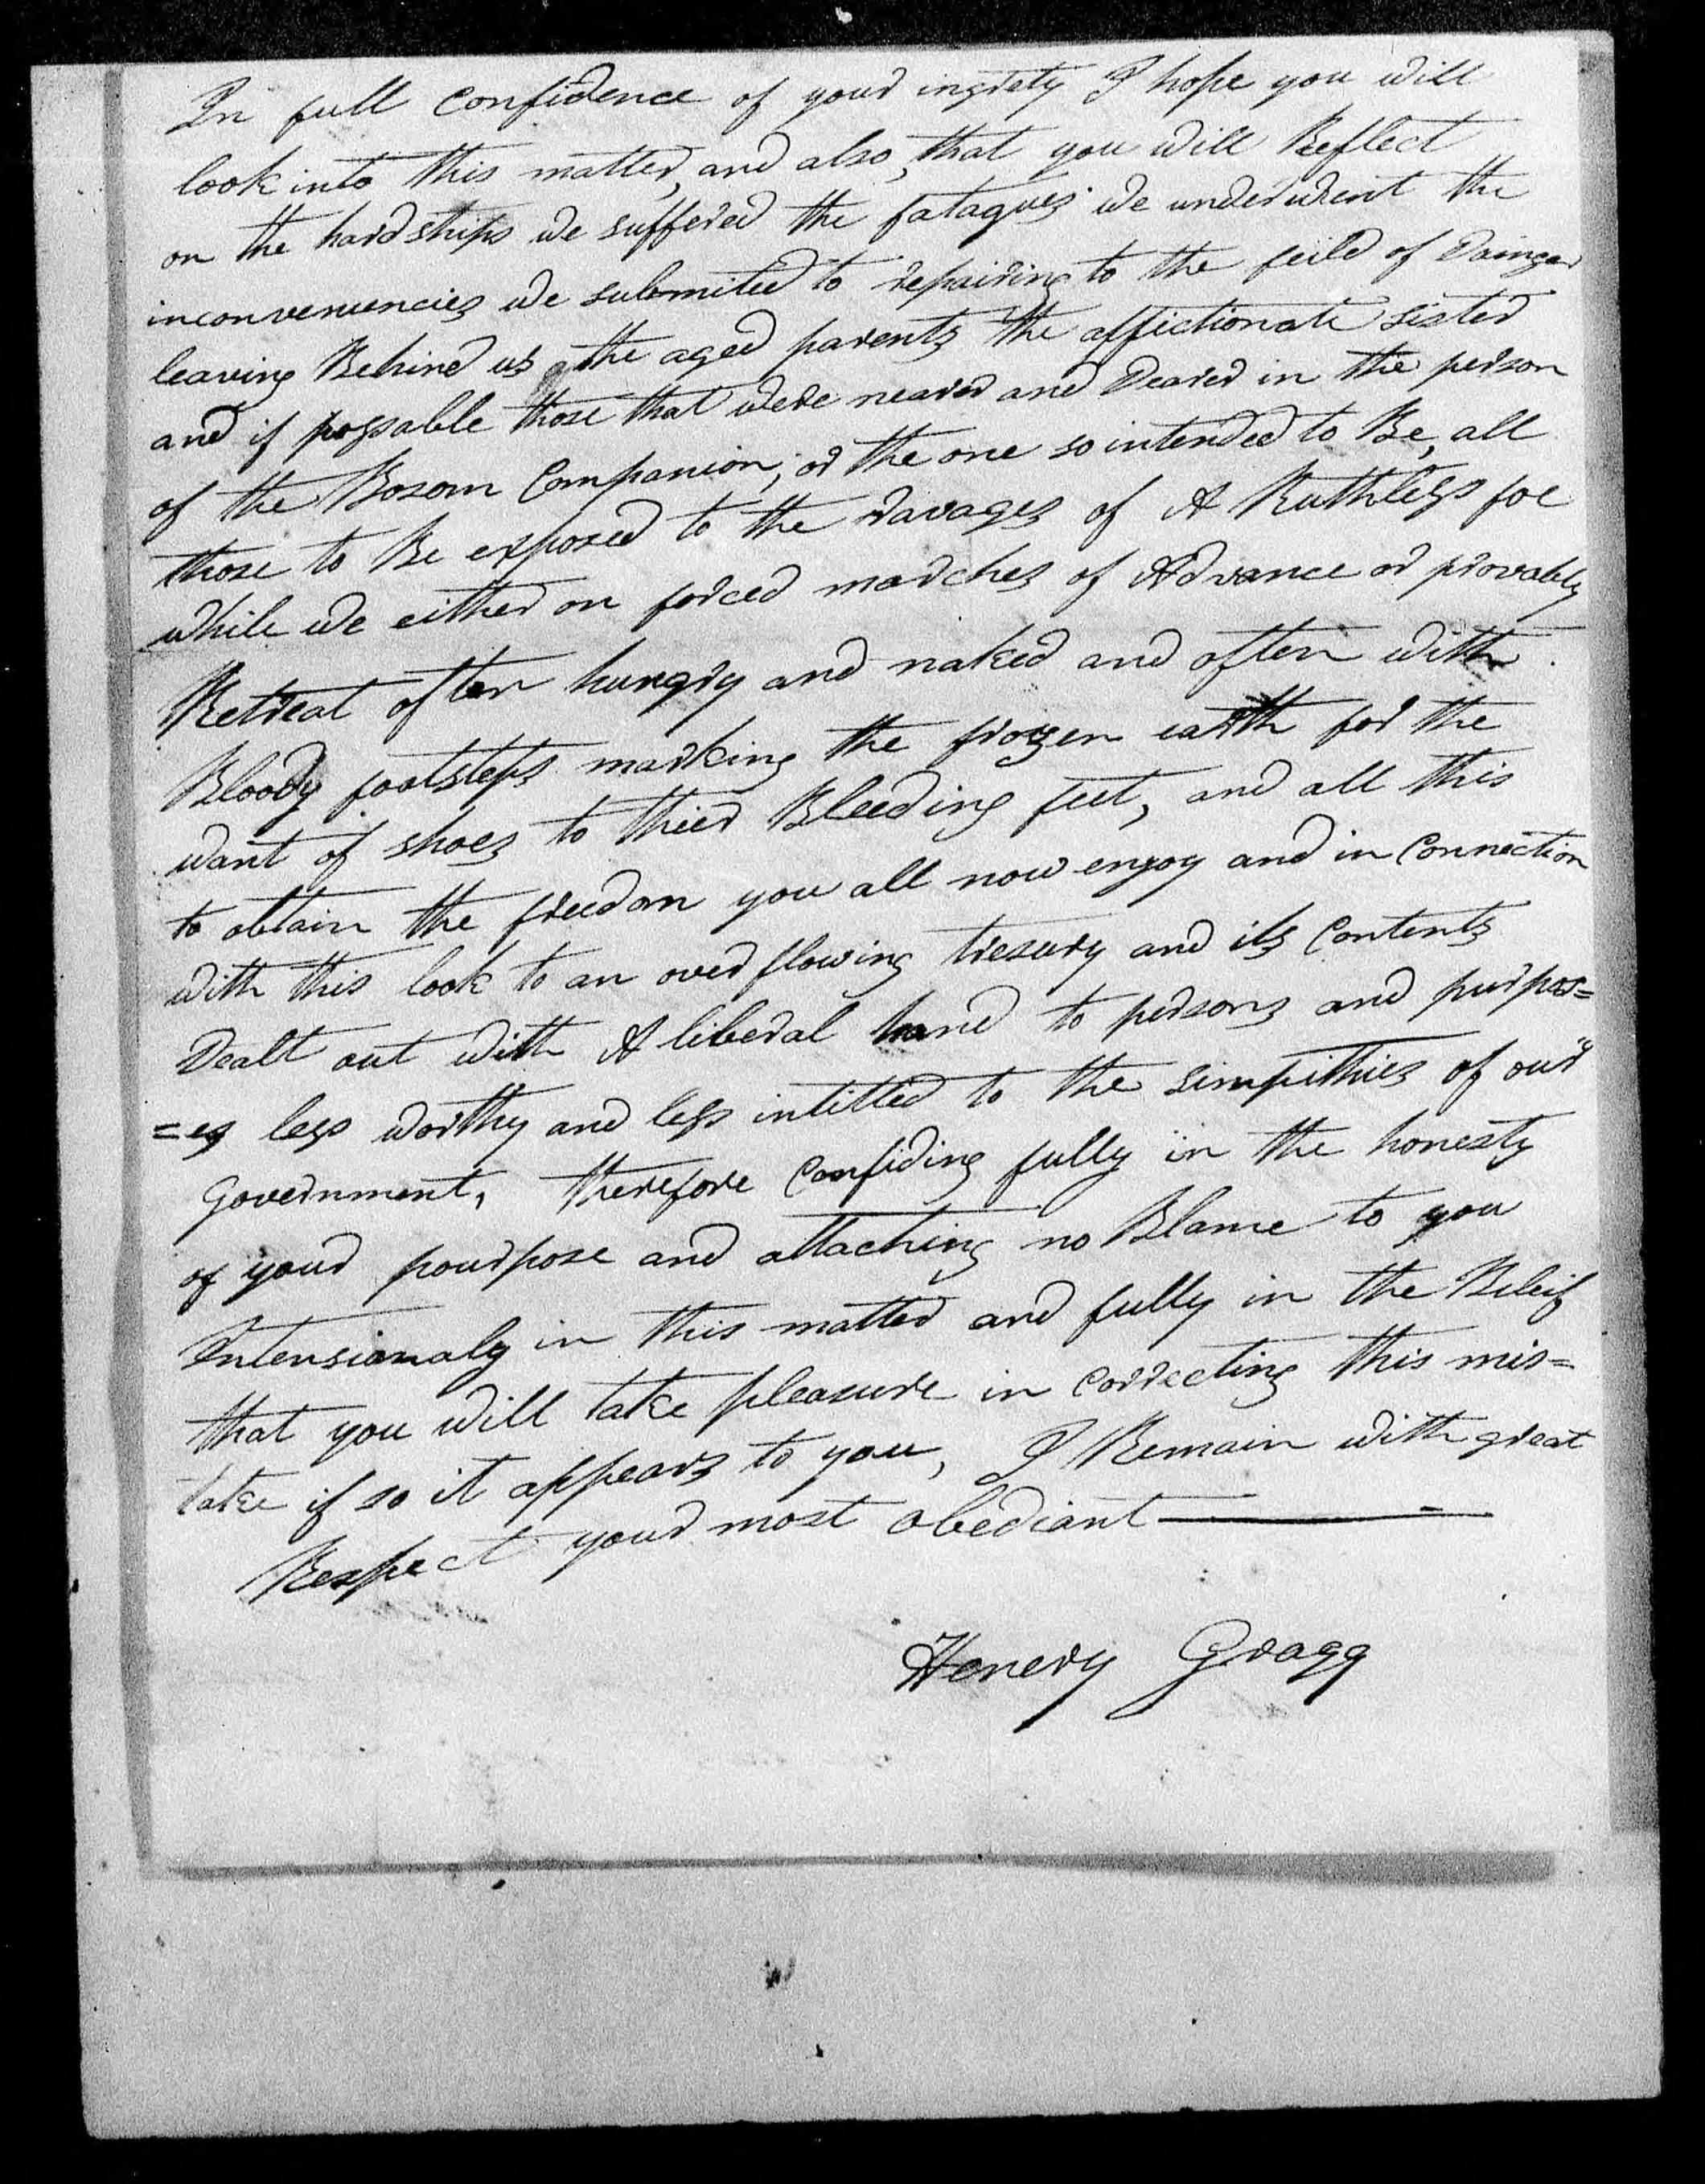in full confidence of your integrity  I hope you will look into this matter and also, that you will reflect  on the hardships we suffered,the fatigues  we under went, the inconveniences we submitted to  responding to the field of danger leaving  behind us the aged parents, the affectionate sister and if possible those that  were nearer and dearer in the person of the  bosom companion, or the one so intended to be , all those to be exposed to the ravages of a ruthless foe while we either  on forced marches of advance or provably  retreat often hungry  and naked and often with bloody footsteps  marching the frozen earth  for the want of shoes to their bleeding feet , and all this to obtain the  freedom  you all now enjoy and in connection  with this look to an overflowing treasury  and its contents dealt out with a liberal hand  to persons and purposes less worthy  and less entitled to the  simplicities of our Government , therefore confiding fully in the honesty of your purpose and attaching no blame to you  intensionally  in this matter and fully in the belief that  you will take pleasure in correcting this mistake  if so it appears to you . I remain with great respect your most obedient  - Henery Gragg ( signed )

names: Henery Gragg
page: 16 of 18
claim: survivor's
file: S. 10,773, Henry Gragg, S.C.